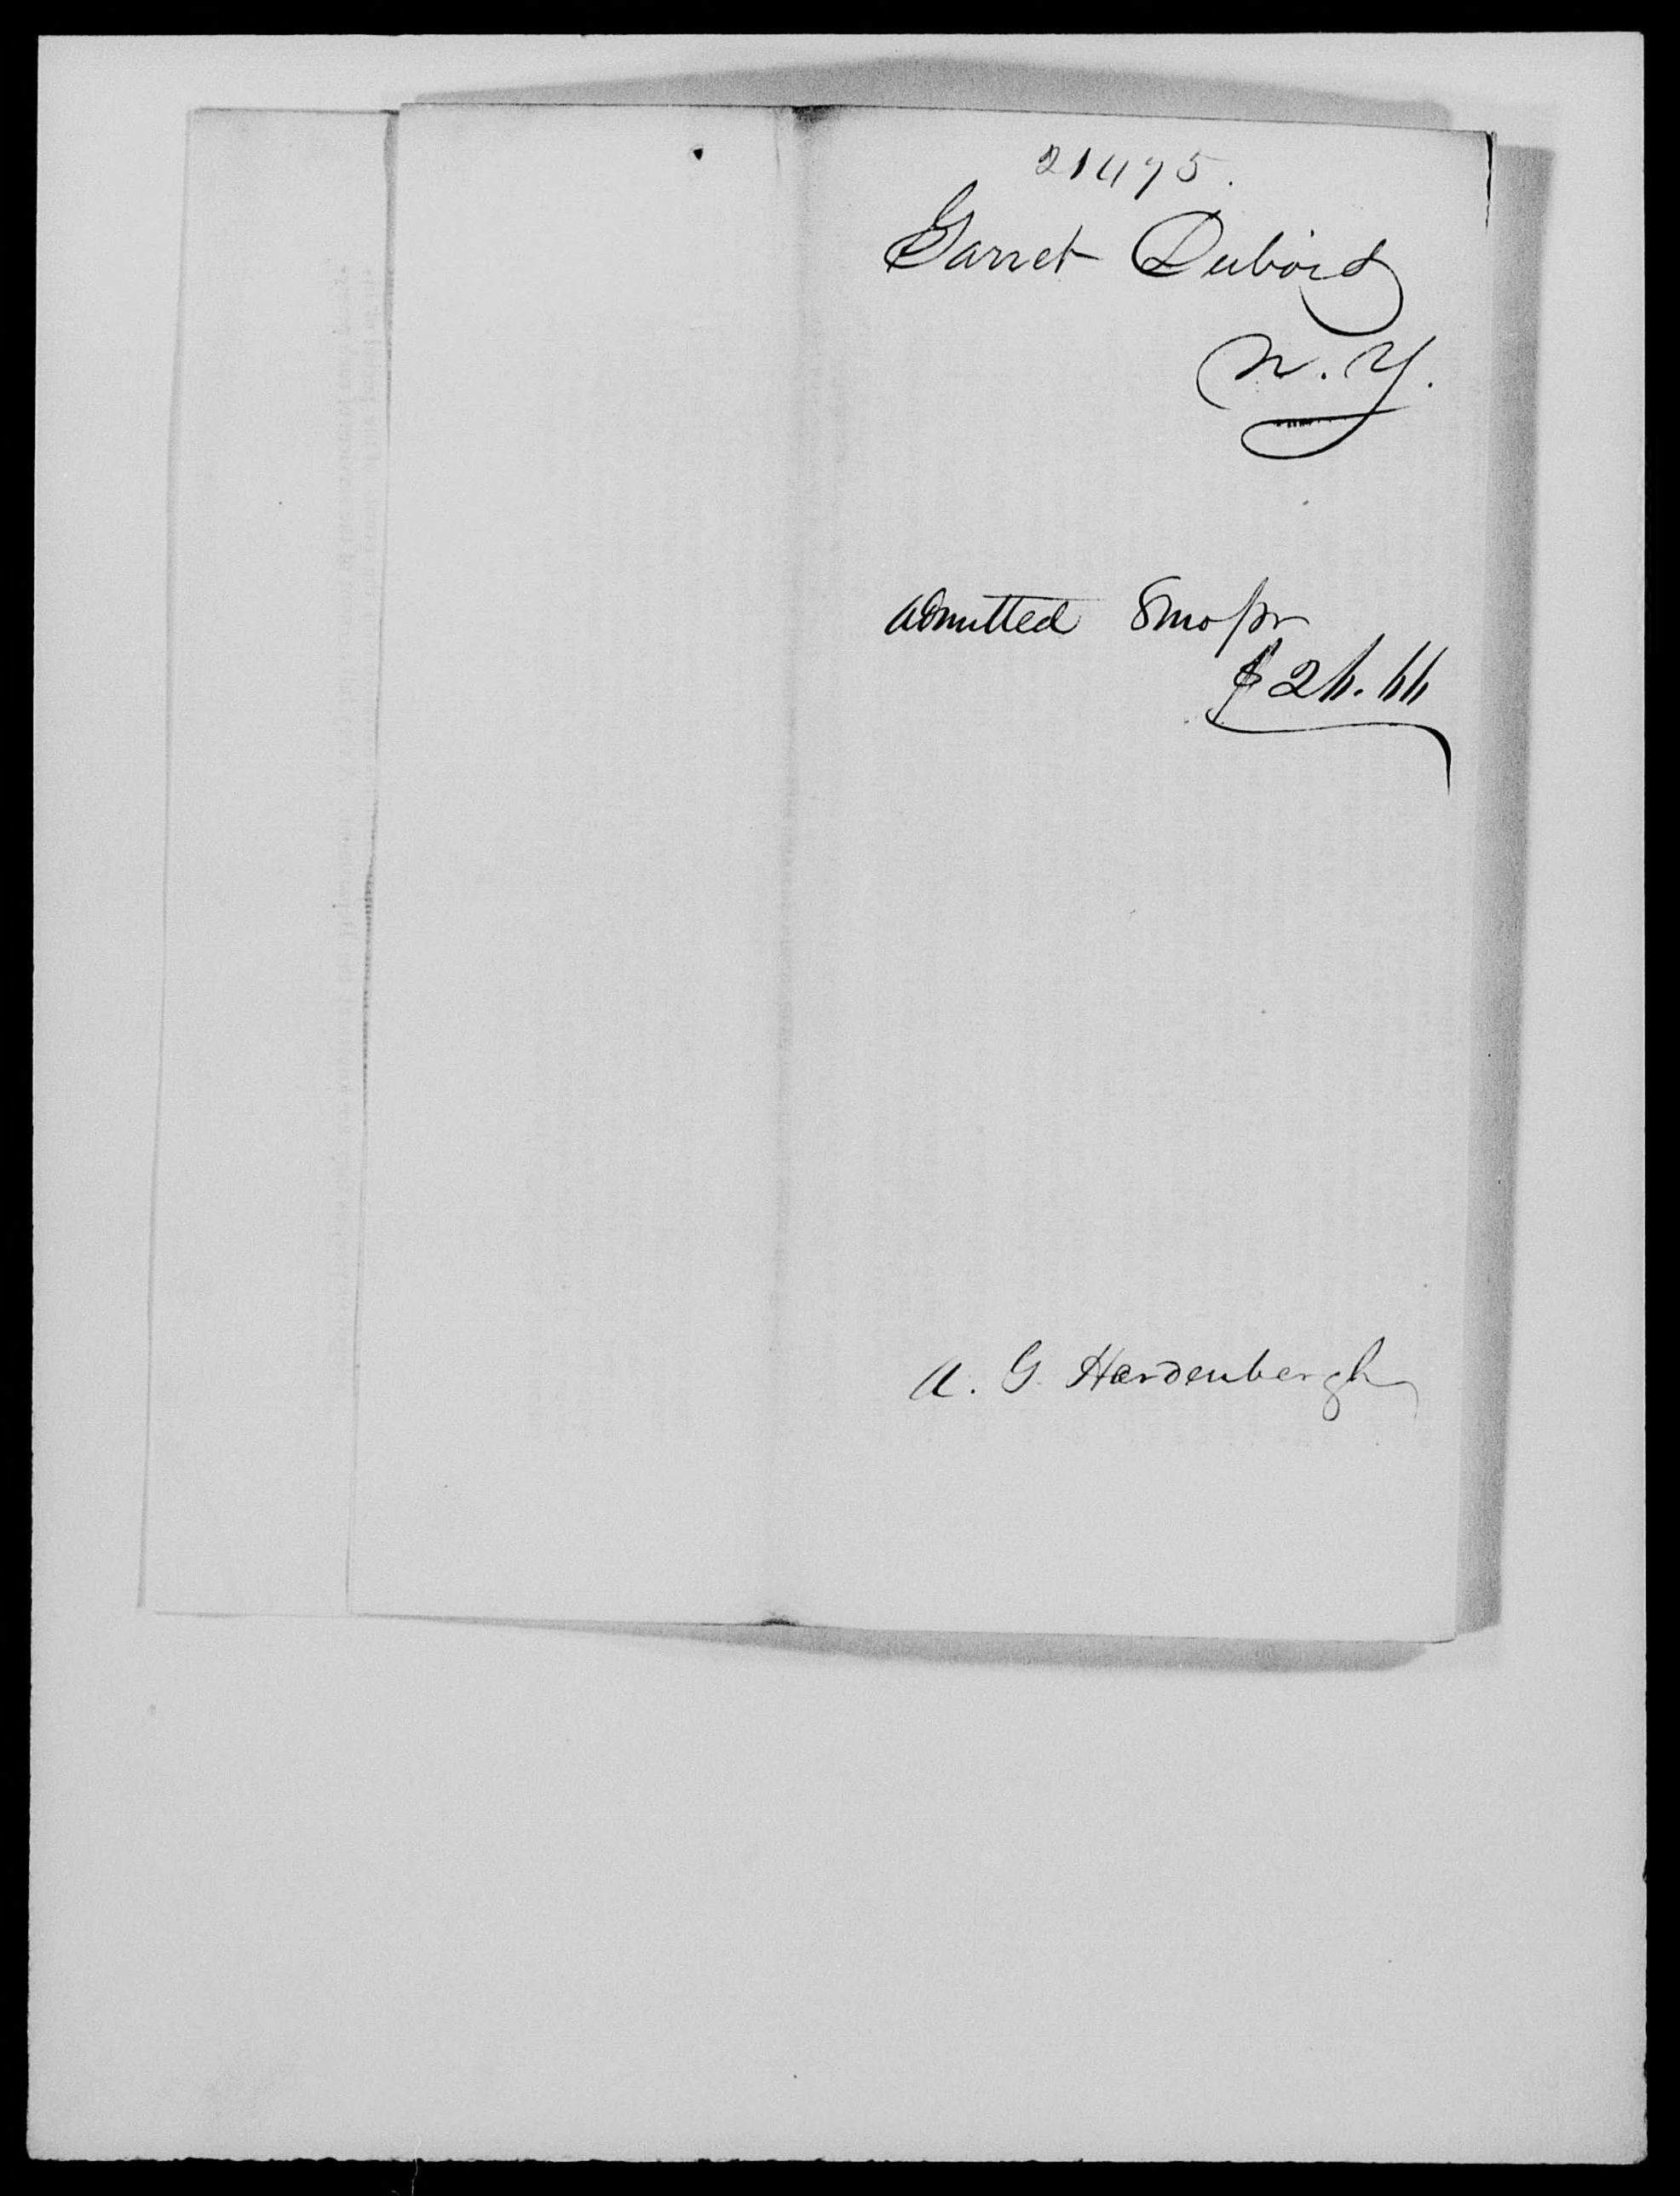21475
Garret Dubois
N. Y.
Admitted 8 mo for
$26.66
A. G. Hardenbergh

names: Garret Dubois, A G Hardenbergh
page: 4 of 36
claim: widow's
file: W 20995, Gerrit Dubois, New York